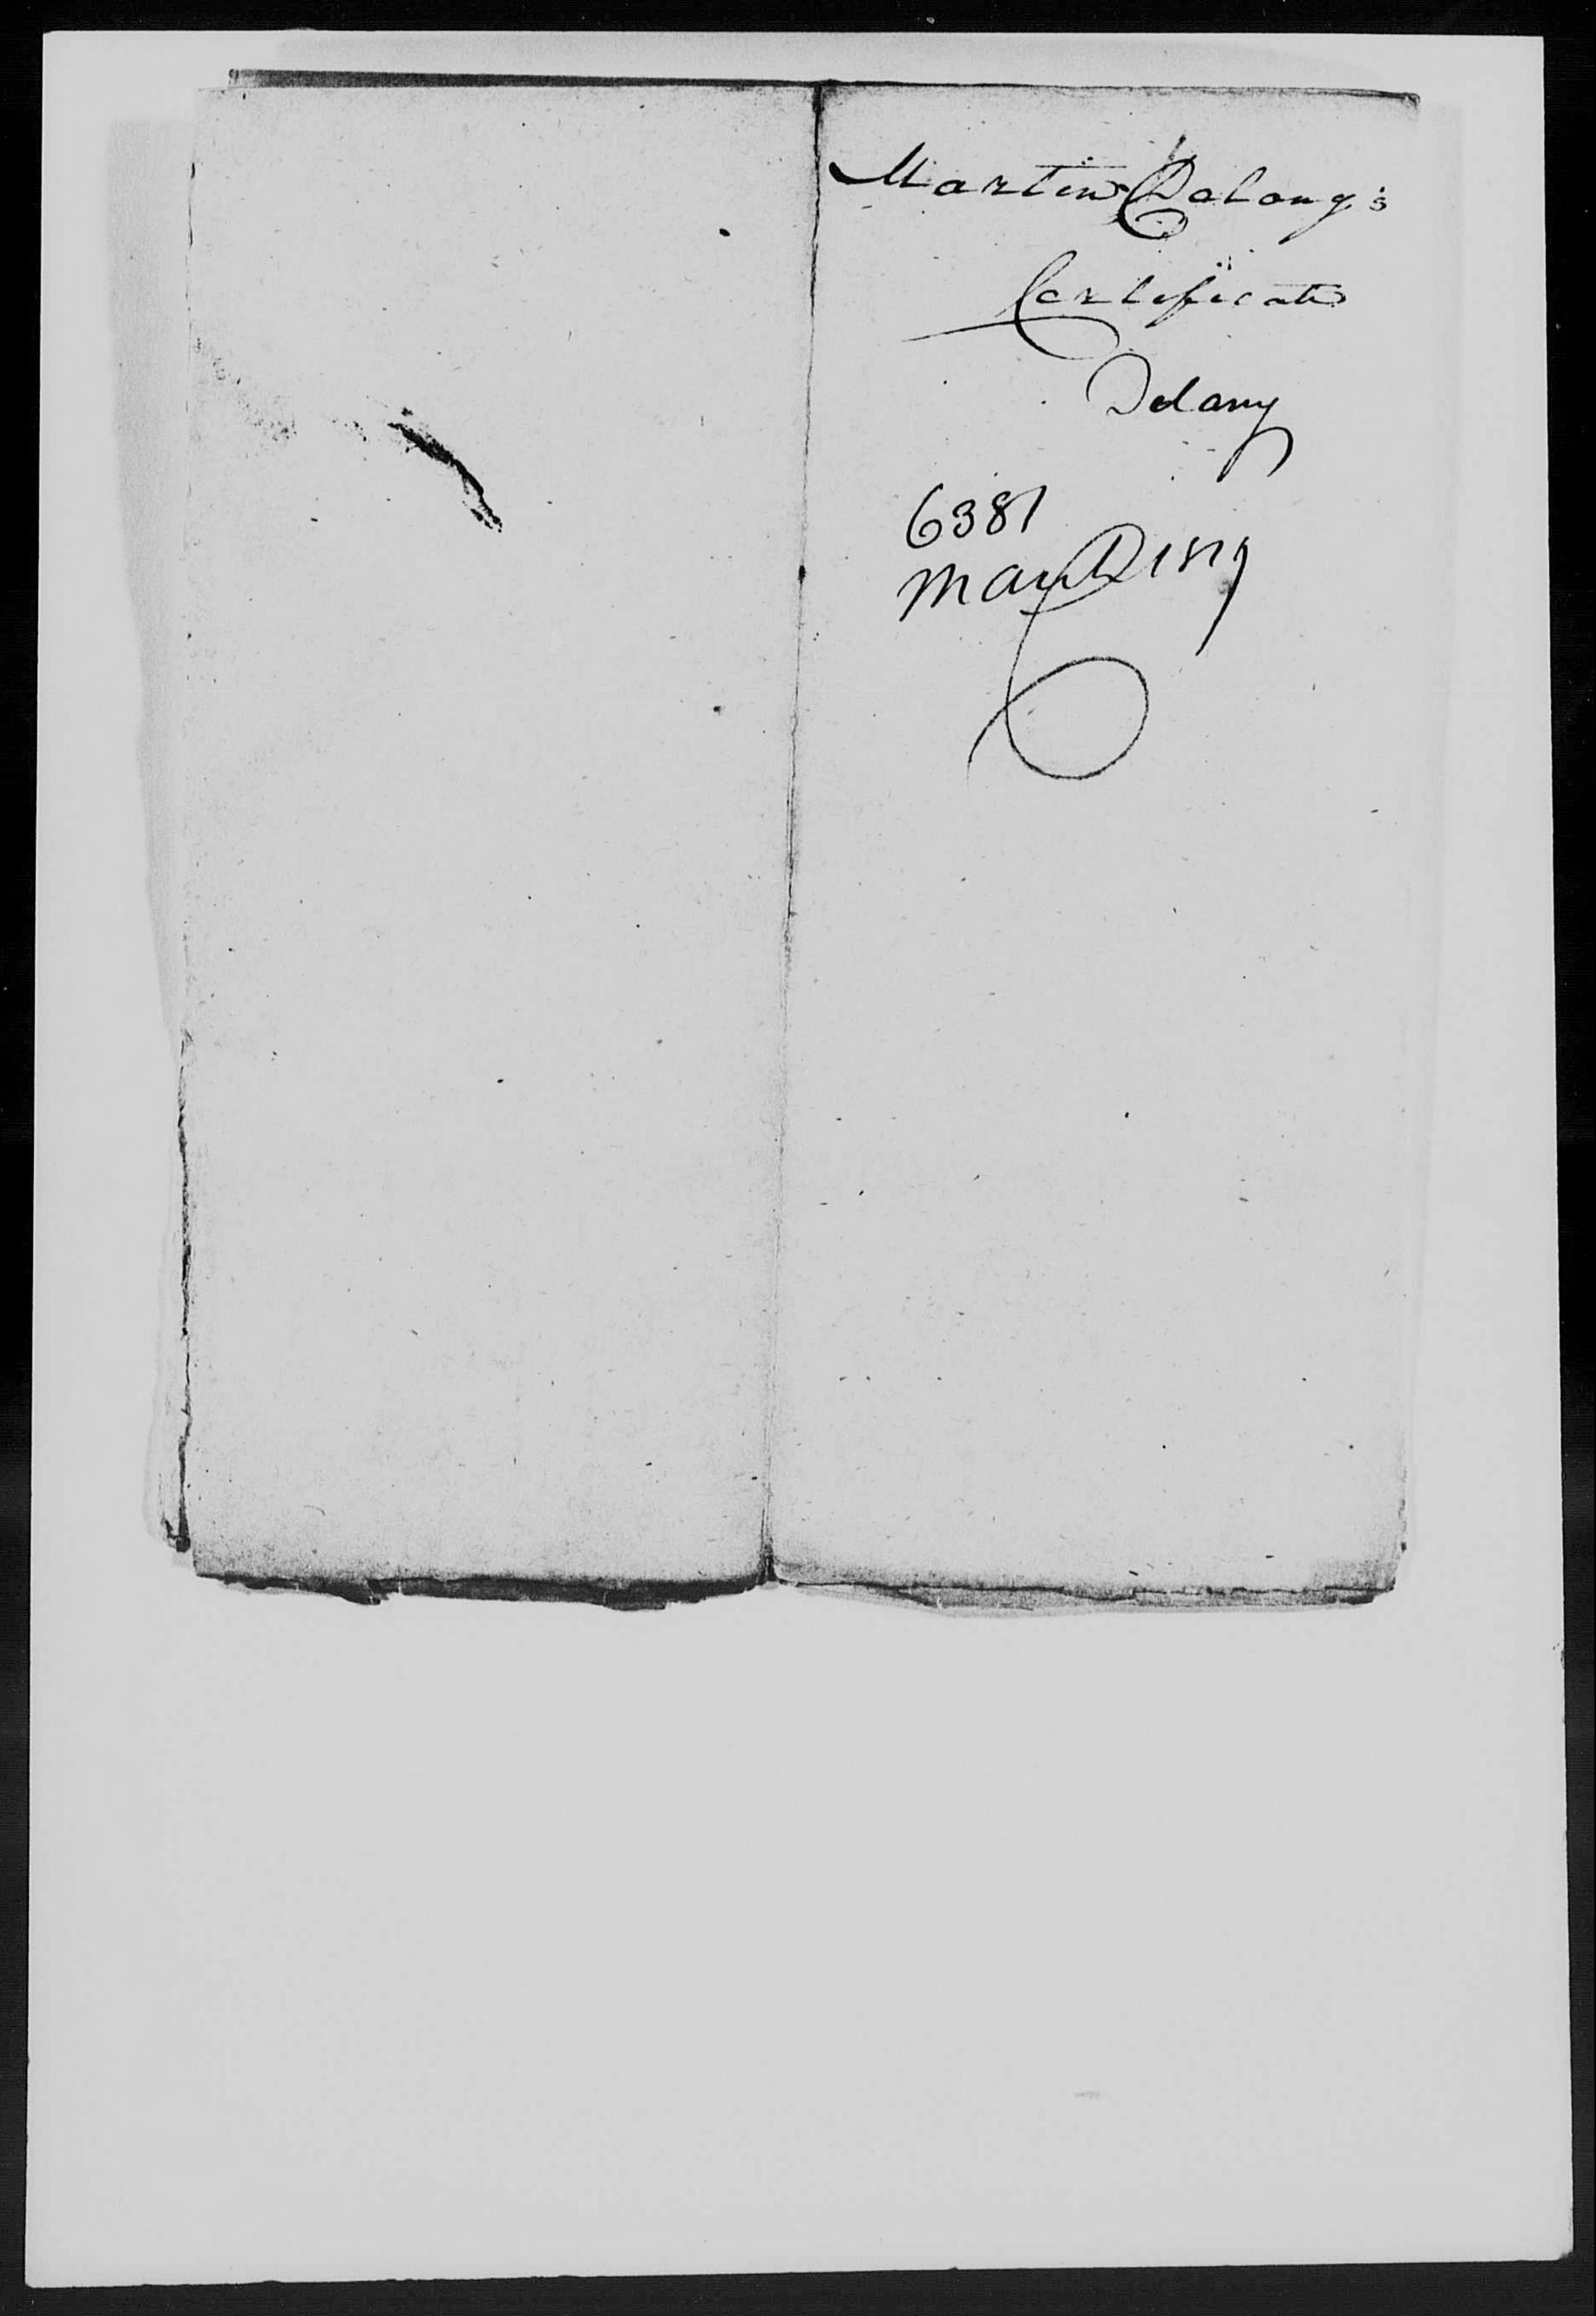Martin Delany's
Certificate
Delany
6381
March 1819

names: Delany, Martin Delany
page: 11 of 22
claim: survivor's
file: S. 3,9425, Martin Delany, Penn.